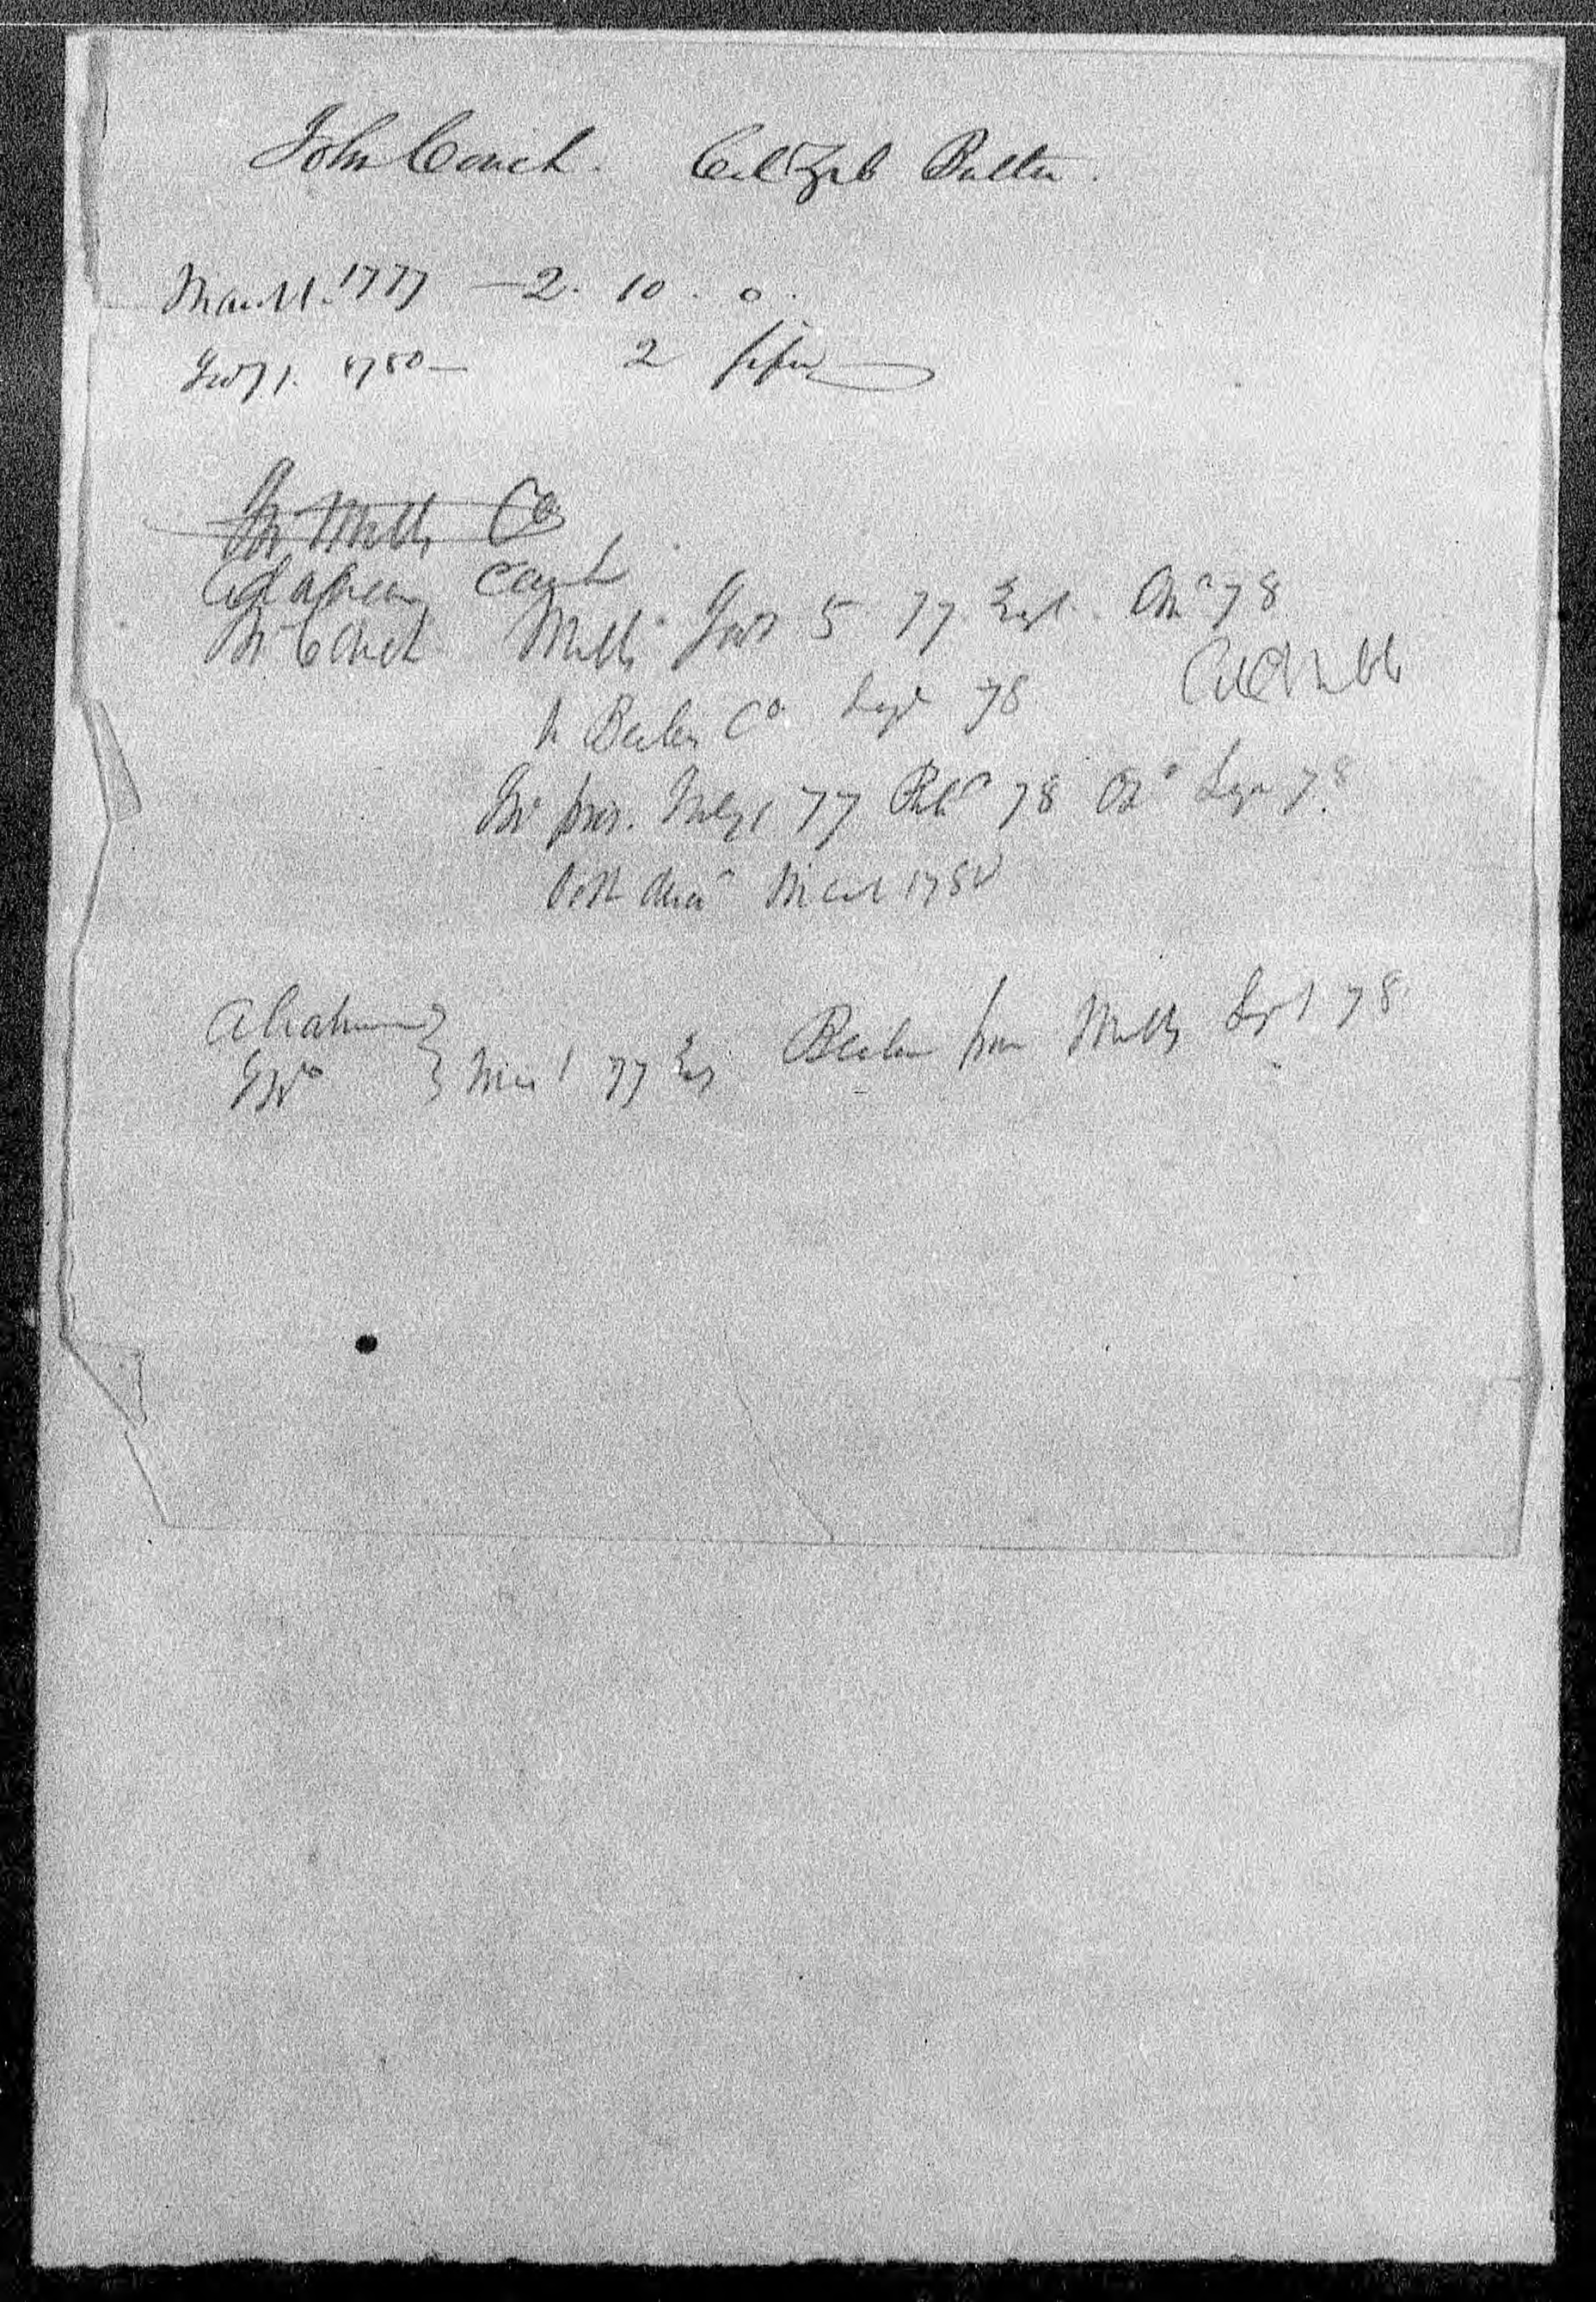John Couch
Col Zeb Balter
Mar. 27 1777 -- 2. 10.0
?. 1 1780  2 

Captain Couch
Couch Mill Jan 5 77 ? Oct. 78
Buler Co.l Sept 78
In pris. July 1 77 Phil 78 Oct Sept 78
left ? March 1780
Abraham} May 1 77 ? for March Sept 78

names: Jno Couch, Zeb Butler, Jno Pris, John Couch, Adabell Couch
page: 28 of 68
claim: rejected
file: R. 2,360, John Couch, Conn.